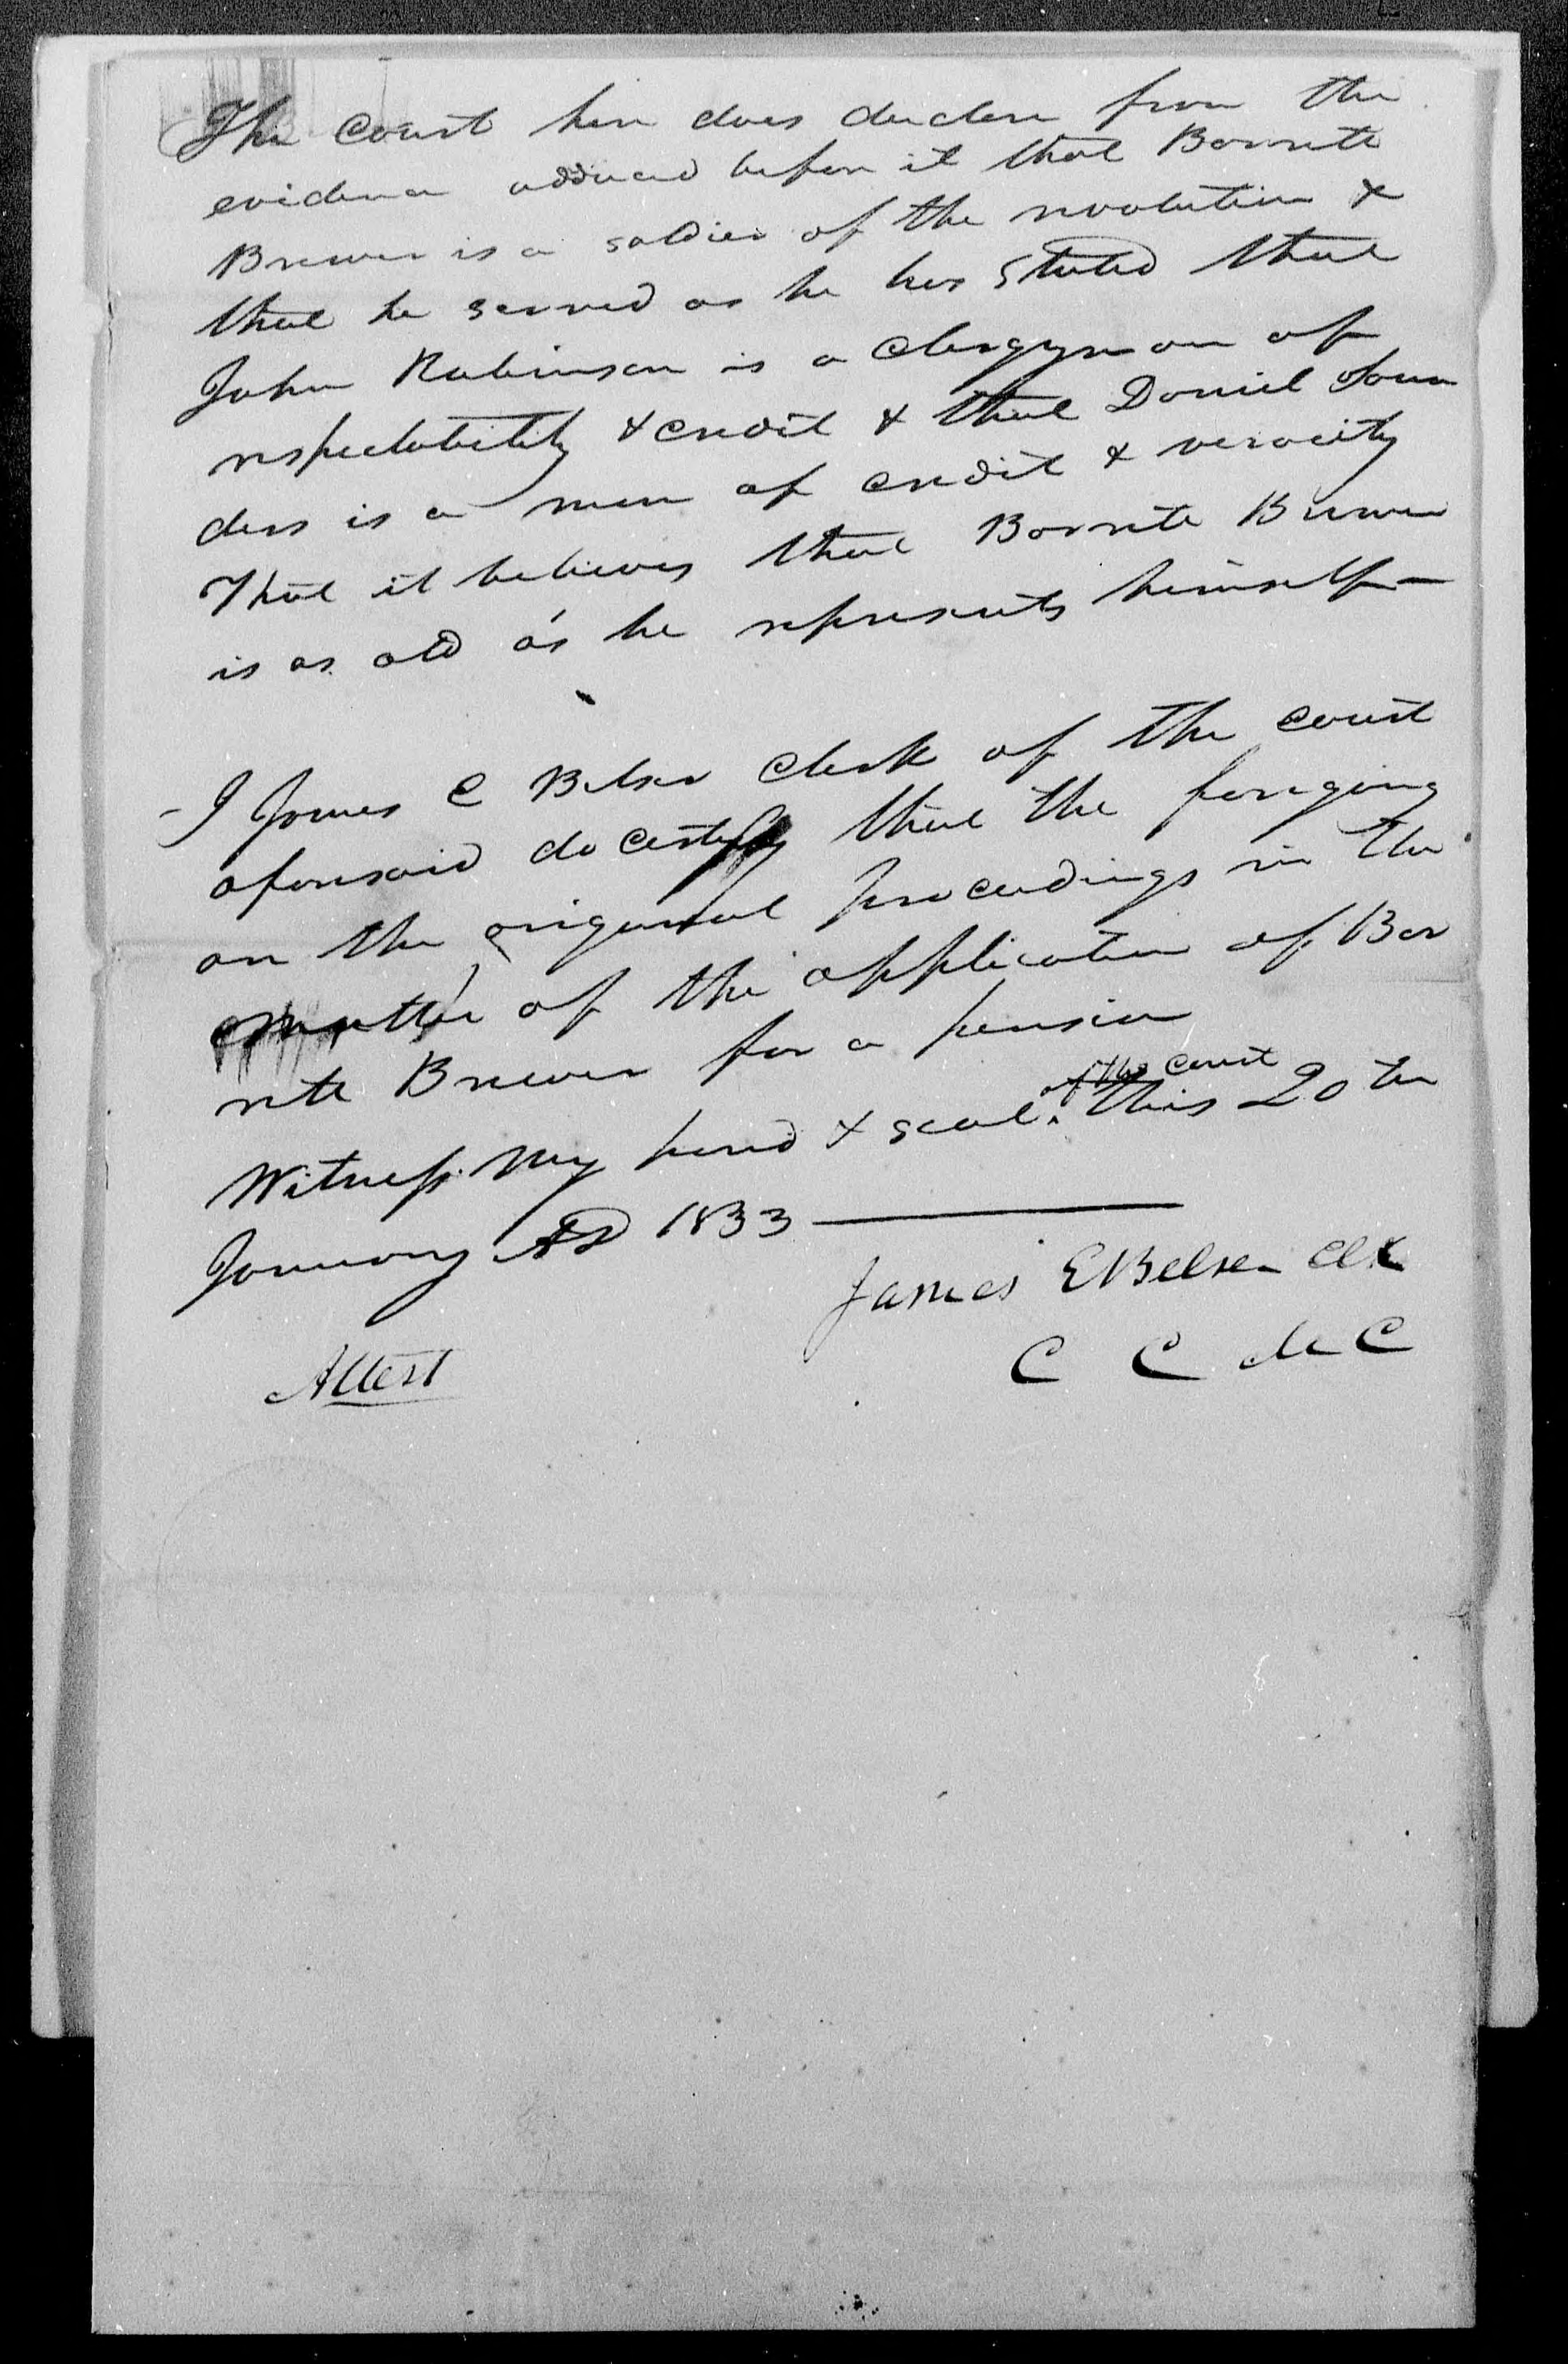The court here does declare from the
evidence addressed before it that Barrett
Brewer is a soldier of the revolution &
that he served as he has stated That John Robinson is a Clergyman of respectability & credit & that it believes Daniel [illegible] is a man of credit & varisity
That is believes that Barrett Brewer
is as old as he represents himself -

I James E. Belsen Clerk of the court
aforesaid do certify that the foregoing 
on the original proceedings in the matter of
the application of Barnett Brewer for a pension
Witnessed my hand & seal of the court this 20th
January as 1833

Attest
James e. Belsen Clle
C C ofC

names: James E Belser, Barrett Brewer, Barrett Brewer, Barrett Brewer, James E Belser, Daniel Saunders, John Robinson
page: 5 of 49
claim: survivor's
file: S. 32,131, Barrett Brewer, Va.